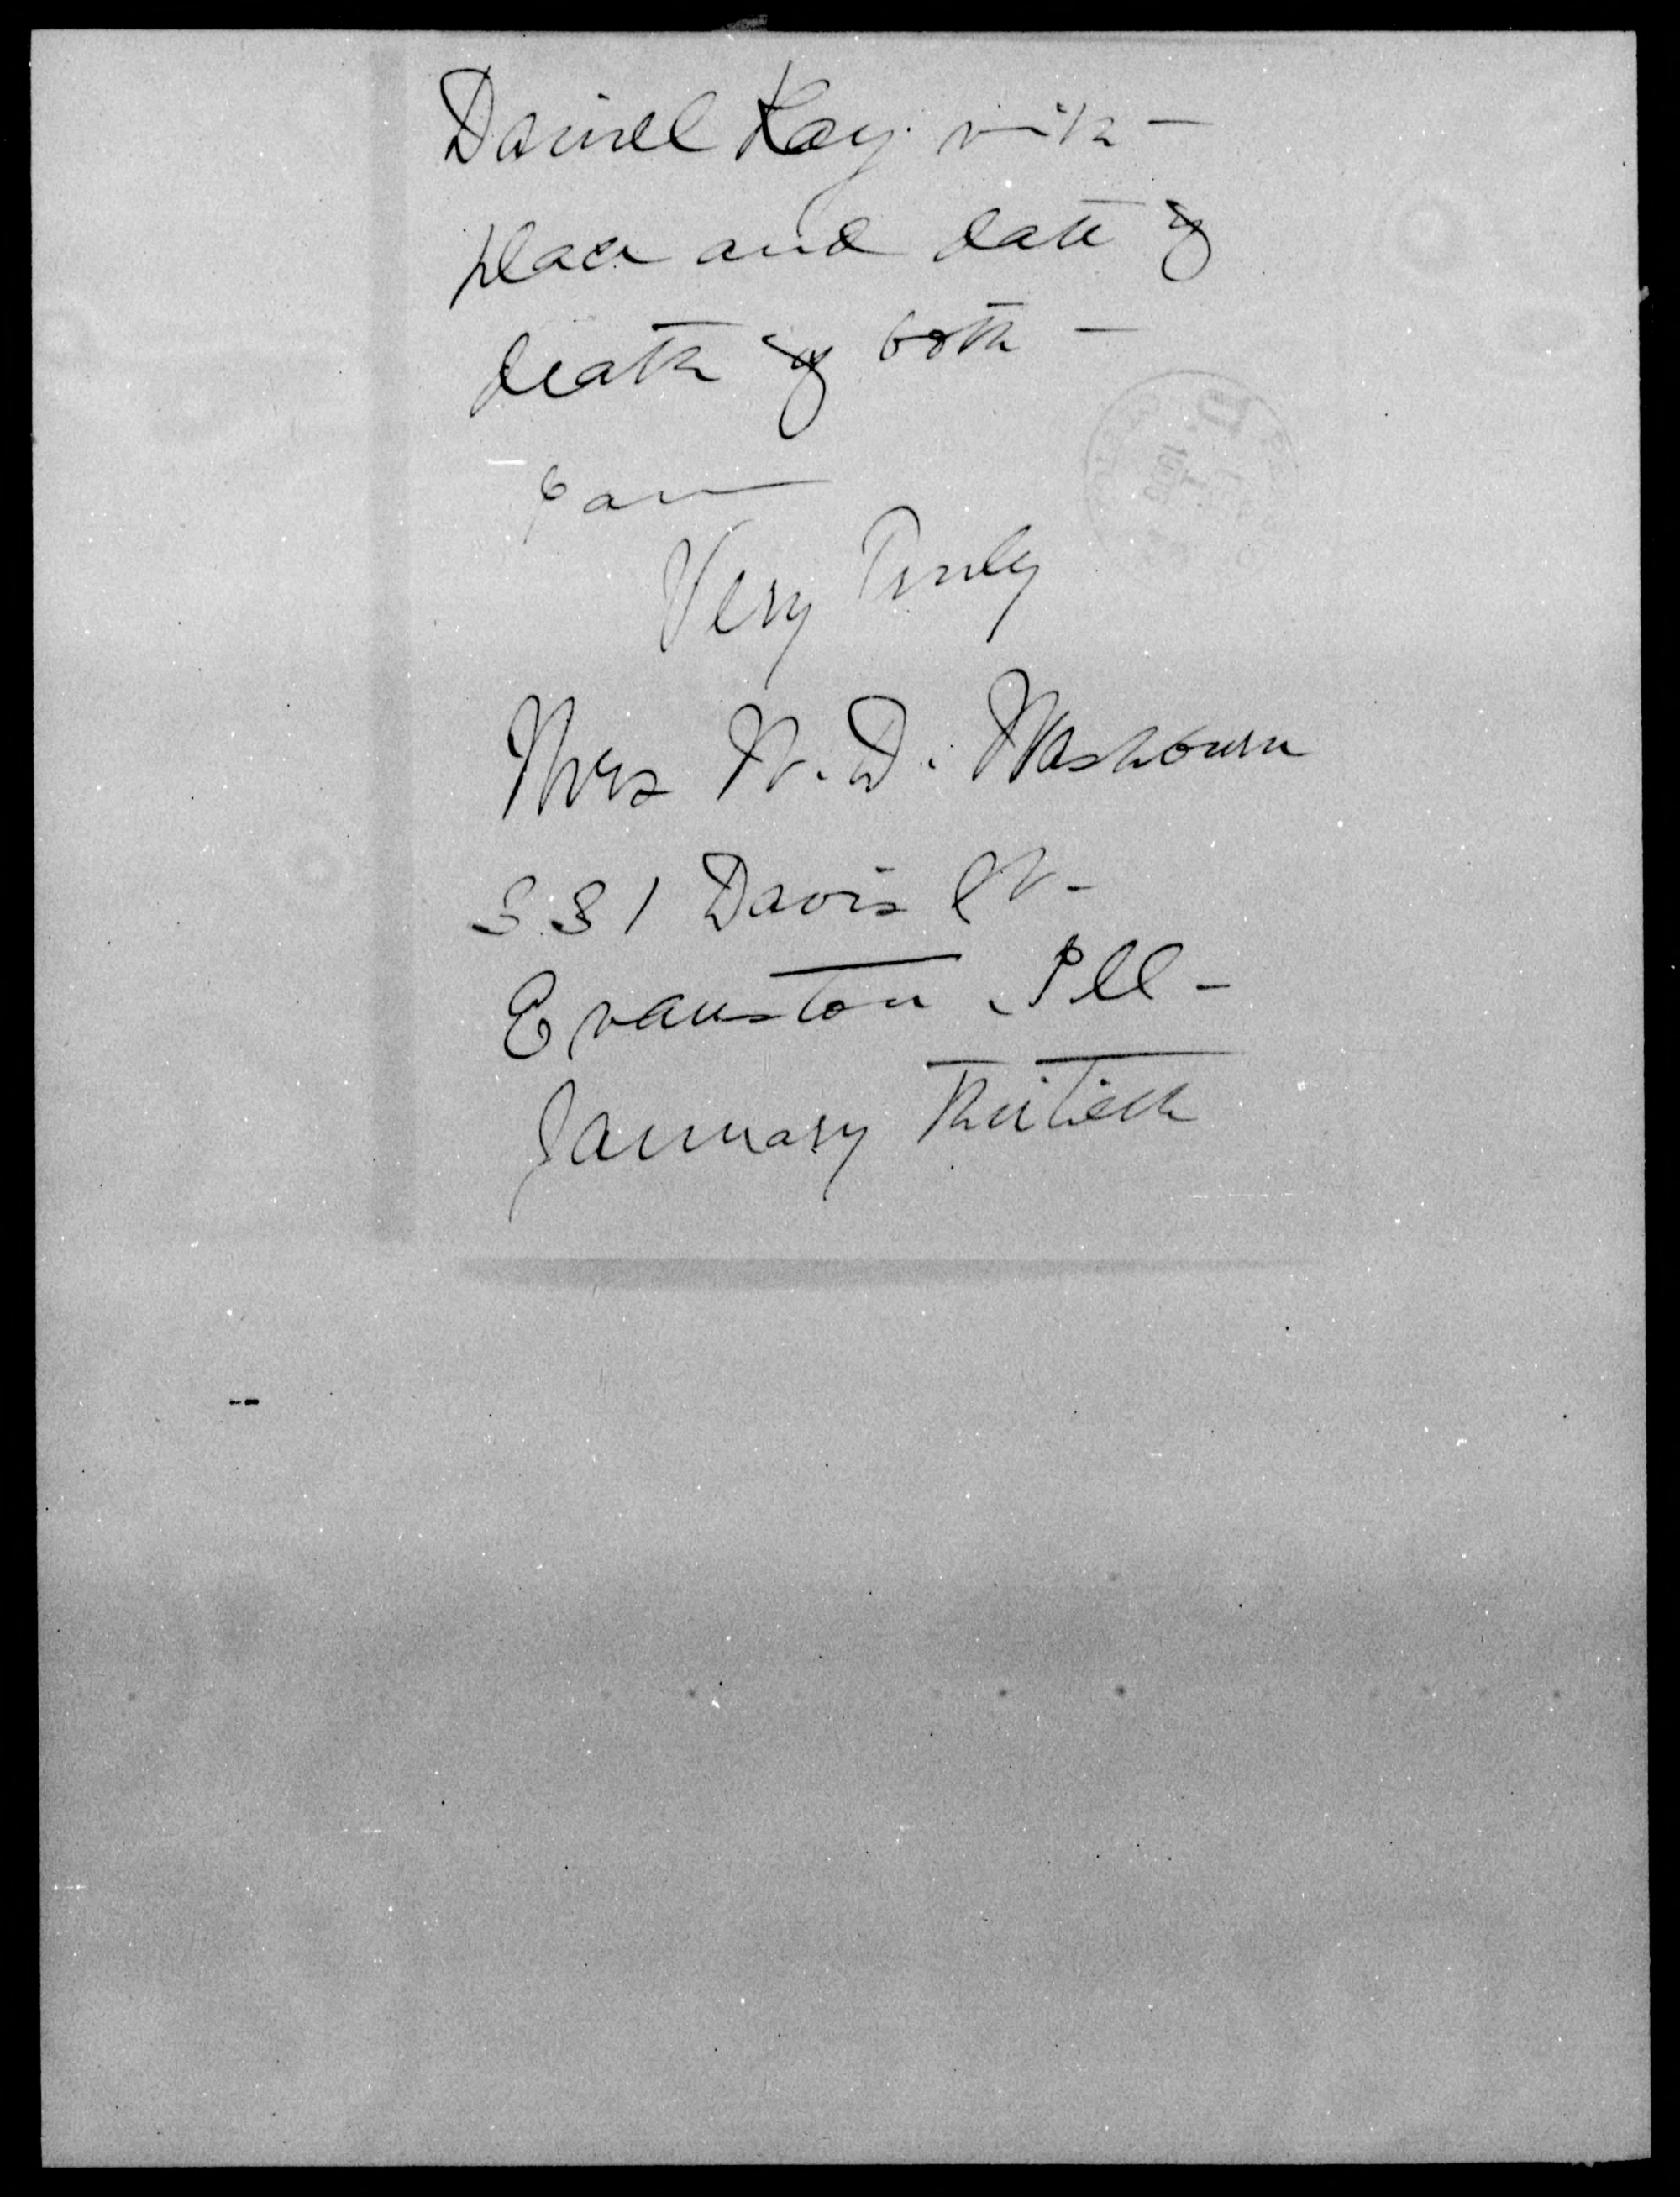Daniel Ray with
place and date of
death of both-
I am 
Very Truly
Mrs W.D.Washburn
331 Davis Dr
Evanston, Ill
January Thirtieth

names: Daniel Ray; W D Washburn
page: 19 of 20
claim: survivor's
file: S. 43891, for Daniel Ray, Connecticut